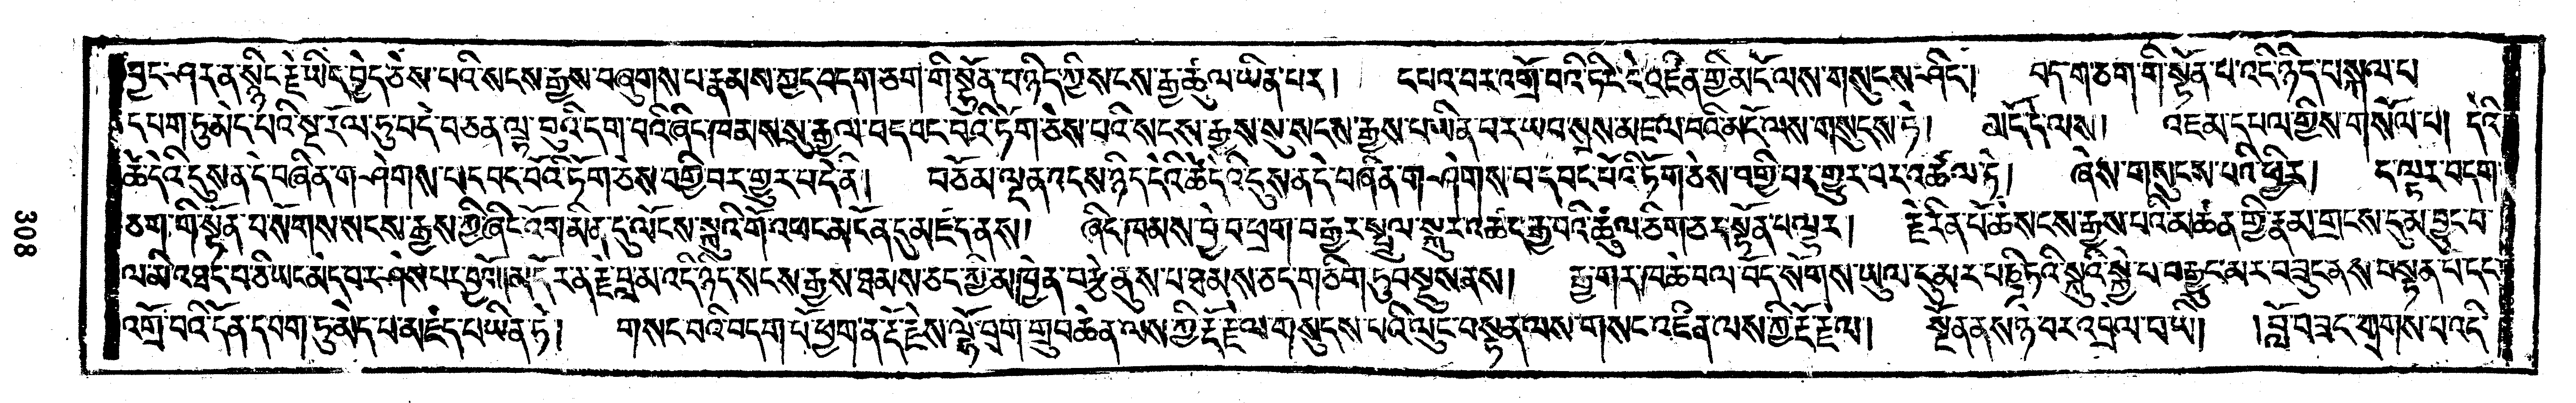བྱང་ཤར་ན་སྙིང་རྗེ་ཡིད་བྱེད་ཅེས་པའི་སངས་རྒྱས་བཞུགས་པ་རྣམས་ཀྱང་བདག་ཅག་གི་སྟོན་པ་ཉིད་ཀྱི་སང་རྒྱ་ཚུལ་ཡིན་པར། དཔའ་བར་འགྲོ་བའི་ཏིང་ངེས་འཛིན་གྱི་མངོ་ལས་གསུངས་ཤིང་། བདག་ཅག་གི་སྟོན་པ་འདི་ཉིད་བསྐལ་པ་
དཔག་ཏུ་མེད་པའི་སྔ་རོལ་ཏུ་བདེ་བ་ཅན་ལྟ་བུའི་དག་པའི་ཞིང་ཁམས་སུ་རྒྱལ་བད་བང་པོའི་ཏོག་ཅེས་པའི་སངས་རྒྱས་སུ་སངས་རྒྱས་པ་ཡིན་པར་ཡབ་སྲས་མཇལ་བའི་མངོ་ལས་གསུངས་ཏེ། མདོ་དེ་ལས། འཇམ་དཔལ་གྱིས་གསོལ་པ། དེའི་
ཚེ་དེའི་དུས་ན་དེ་བཞིན་གཤེགས་པ་དབང་པོའི་ཏོག་ཅེས་བགྱི་བར་གྱུར་པ་དེ་ནི། བཅོམ་ལྡན་འདས་ཉིད་དེའི་ཚེ་དེའི་དུས་ན་དེ་བཞིན་གཤེགས་པ་དབང་པོའི་རྟོག་ཅེས་བགྱི་བར་གྱུར་པར་འཚལ་ཏེ། ཞེས་གསུངས་པའི་ཕྱིར། ད་ལར་བདག་
ཅག་གི་སྟོན་པ་སོགས་སངས་རྒྱས་ཀྱི་ཞིང་འོག་མིན་དུ་ལོངས་སྐུའི་གོ་འཕང་མངོན་དུ་མཛད་ནས། ཞིང་ཁམས་བྱེ་བ་ཕྲག་བརྒྱར་སྤྲུལ་སྐུར་འཚང་རྒྱ་པའི་ཚུལ་ཅིག་ཅད་སྟོན་པ་ལར། རྗེ་རིན་པ་ཆེ་སངས་རྒྱས་པའི་མཚན་གྱི་རྣམ་གྲངས་དུམ་བྱུང་པ་
ལ་མི་འཐང་བ་ཅི་ཡང་མེད་པར་ཤེས་པར་བྱའོ། །མདོར་ན་རྗེ་བླ་མ་འདི་ཉིད་སངས་རྒྱས་ཐམས་ཅད་ཀྱི་མཁྱེན་བརྩེ་ནུས་པ་ཐམས་ཅད་གཅིག་ཏུ་བསྡུས་ནས། རྒྱ་གར་ཁ་ཆེ་བ་ལ་བོད་སོགས་ཡུལ་དུ་མར་པཎྜི་ཏའི་སྐུའི་སྐྱུ་པ་བརྒྱུད་མར་བཟུང་ནས་བསྟན་པ་དང་།
འགྲོ་བའི་དོན་དཔག་ཏུ་མེད་པ་མཛད་པ་ཡིན་ཏེ། གསང་བའི་བདག་པོ་ཕྱག་ན་རྡོ་རྗེས་ལྷོ་བྲག་གྲུབ་ཆེན་ལས་ཀྱི་རྡོ་རྗེ་ལ་གསུངས་པའི་ལུང་བསྟན་ལས་གསང་འཛིན་ལས་ཀྱི་རྡོ་རྗེ་ལ། སྔོན་ནས་ཉེ་བར་འབྲེལ་བ་ཡི། །བློ་བཟང་གྲགས་པ་འདི་